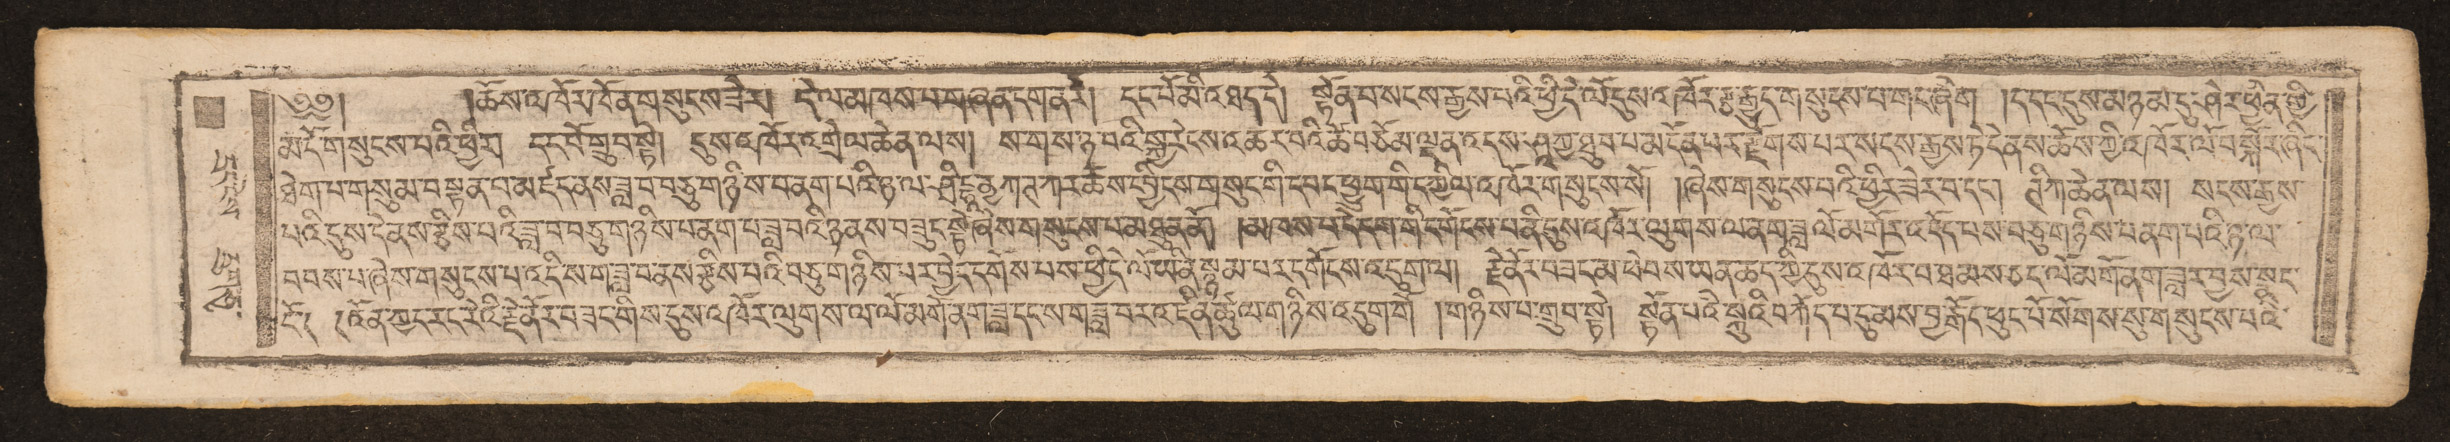༄༅། །ཆོས་འཁོར་ཁོ་ན་གསུངས་ཟེར། དེ་ལ་མཁས་པ་གཞན་དག་ན་རེ། དང་པོ་མི་འཐད་དེ། སྟོན་པ་སངས་རྒྱས་པའི་ཕྱི་དེ་ལོ་དུས་འཁོར་རྩ་རྒྱུད་གསུངས་པ་གང་ཞིག །ད་དང་དུས་མཉམ་དུ་ཤེར་ཕྱིན་གྱི་
མདོ་གསུངས་པའི་ཕྱིར། དང་པོ་གྲུབ་སྟེ། དུས་འཁོར་འགྲེལ་ཆེན་ལས། ས་གས་ཉ་བའི་སྐྱ་རེངས་འཆར་བའི་ཚེ་བཅོམ་ལྡན་འདས་ཤཱཀྱ་ཐུབ་པ་མངོན་པར་རྫོགས་པར་སངས་རྒྱས་ཏེ་དེ་ནས་ཆོས་ཀྱི་འཁོར་ལོ་བསྐོར་ཞིང་
ཐེག་པ་གསུམ་བསྟན་པ་མཛད་ནས་ཟླ་བ་བཅུ་གཉིས་པ་ནག་པའི་ཉ་ལ་ཤྲི་དྷཱ་ནྱ་ཀ་ཊ་ཀར་ཆོས་དབྱིངས་གསུང་གི་དབང་ཕྱུག་གི་དཀྱིལ་འཁོར་གསུངས་སོ། །ཞེས་གསུངས་པའི་ཕྱིར་ཟེར་བ་དང་། ཊིཀ་ཆེན་ལས། སངས་རྒྱས་
པའི་དུས་དེ་ནས་རྩིས་པའི་ཟླ་བ་བཅུ་གཉིས་པ་ནག་པ་ཟླ་བའི་ཉ་ནས་བཟུང་སྟེ་ཞེས་གསུངས་པ་མཐུན་ནོ། །མཁས་པ་དེ་དག་གི་དགོངས་པ་ནི་དུས་འཁོར་ལུགས་ལ་ནག་ཟླ་ལོ་མགོར་འདོད་པས་བཅུ་གཉིས་པ་ནག་པའི་ཉ་ལ་
བབས་པ་ཞེས་གསུངས་པ་འདི་ས་ག་ཟླ་བ་ནས་རྩིས་པའི་བཅུ་གཉིས་པར་བྱེད་དགོས་པས་ཕྱི་དེ་ལོ་ཡིན་སྙམ་པར་དགོངས་འདུག་ལ། རྗེ་ནོར་བཟང་མ་ཕེབས་ཡན་ཆད་ཀྱི་དུས་འཁོར་བ་ཐམས་ཅད་ལོ་མགོ་ནག་ཟླར་བྱས་སྣང་
ངོ༑ ༑འོན་ཀྱང་རང་རེའི་རྗེ་ནོར་བཟང་གིས་དུས་འཁོར་ལུགས་ལ་ལོ་མགོ་ནག་ཟླ་དང་ས་ག་ཟླ་བར་འཛིན་ཚུལ་གཉིས་འདུག་གོ །གཉིས་པ་གྲུབ་སྟེ། སྟོན་པའི་སྐུའི་བཀོད་པ་དུ་མས་བྱ་རྒོད་ཕུང་པོ་སོགས་སུ་གསུངས་པའི་